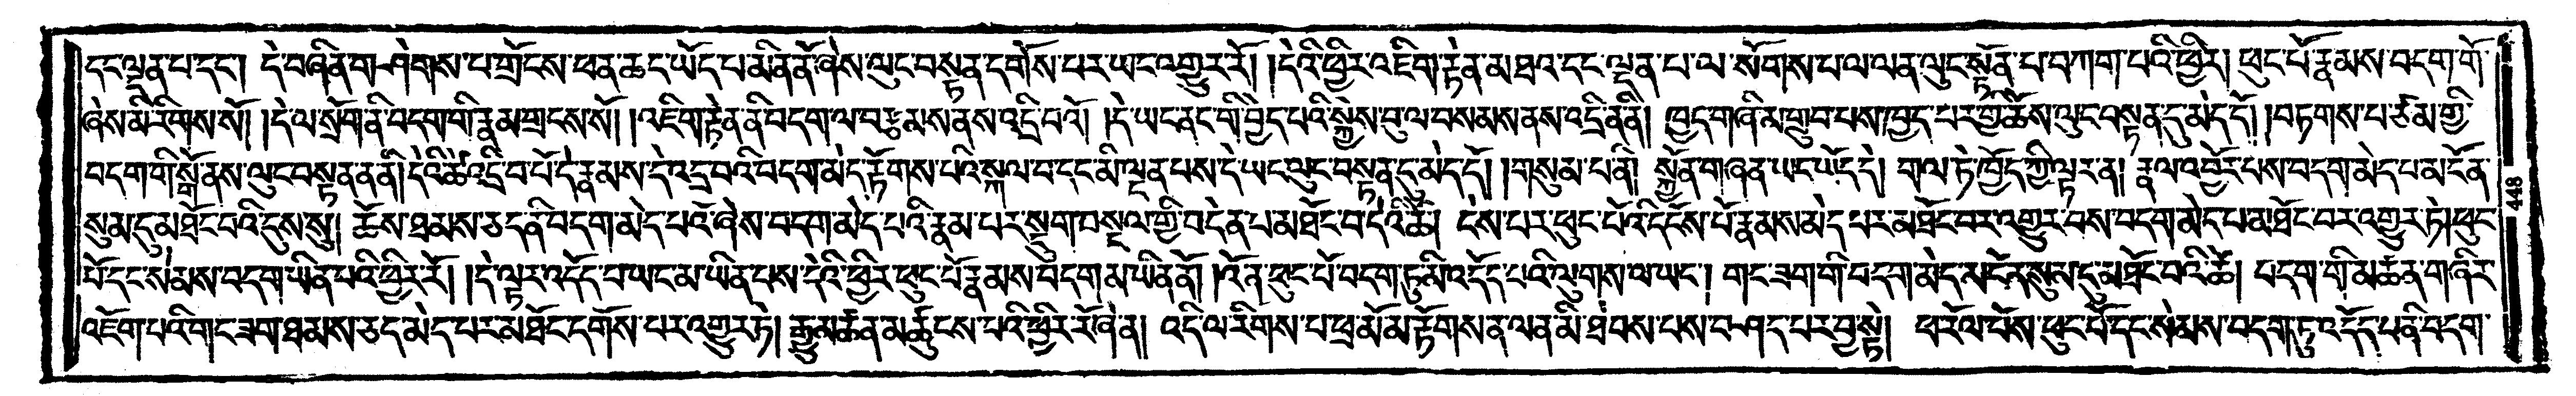དང་ལྡན་པ་དང་། དེ་བཞིན་གཤེགས་པ་གྲོངས་ཕན་ཆད་ཡོད་པ་མིན་ནོ་ཞེས་ལུང་བསྟན་དགོས་པར་ཡང་འགྱུར་རོ། །དེའི་ཕྱིར་འཇིག་རྟེན་མཐའ་དང་ལྡན་པ་ལ་སོགས་པ་ལ་ལན་ལུང་སྟོན་པ་བཀག་པའི་ཕྱིར། ཕུང་པོ་རྣམས་བདག་གོ་
ཞེས་མི་རིགས་སོ། །དེ་ལ་སྲོག་ནི་བདག་གི་རྣམ་གྲངས་སོ། །འཇིག་རྟེན་ནི་བདག་ལ་བརྩམས་ནས་འདྲི་བའོ། །དེ་ཡང་ནང་གི་བྱེད་པའི་སྐྱེས་བུ་ལ་བསམས་ནས་འདྲི་ན་ནི། ཁྱད་གཞི་མ་གྲུབ་པས་ཁྱད་པར་གྱི་ཆོས་ལུང་བསྟན་དུ་མེད་དོ། །བཏགས་པ་ཙམ་གྱི་
བདག་གི་སྒོ་ནས་ལུང་བསྟན་ན་ནི། དེའི་ཚེ་འདྲི་བ་པོ་དེ་རྣམས་དེ་འདྲ་བའི་བདག་མེད་རྟོགས་པའི་སྐལ་བ་དང་མི་ལྡན་པས་དེ་ཡང་ལུང་བསྟན་དུ་མེད་དོ། །གསུམ་པ་ནི། སྐྱོན་གཞན་ཡང་ཡོད་དེ། གལ་ཏེ་ཁྱོད་ཀྱི་ལྟར་ན། རྣལ་འབྱོར་པས་བདག་མེད་པ་མངོན་
སུམ་དུ་མཐོང་བའི་དུས་སུ། ཆོས་ཐམས་ཅད་ནི་བདག་མེད་པའོ་ཞེས་བདག་མེད་པའི་རྣམ་པར་སྡུག་བསྔལ་གྱི་བདེན་པ་མཐོང་བ་དེའི་ཚེ། ངེས་པར་ཕུང་པོའི་དངོས་པོ་རྣམས་མེད་པར་མཐོང་བར་འགྱུར་བས་བདག་མེད་པ་མཐོང་བར་འགྱུར་ཏེ། ཕུང་
པོ་དང་སེམས་བདག་ཡིན་པའི་ཕྱིར་རོ། །དེ་ལྟར་འདོད་པ་ཡང་མ་ཡིན་པས་དེའི་ཕྱིར་ཕུང་པོ་རྣམས་བདག་མ་ཡིན་ནོ། །འོ་ན་ཕུང་པོ་བདག་ཏུ་མི་འདོད་པའི་ལུགས་ལ་ཡང་། གང་ཟག་གི་བདག་མེད་མངོན་སུམ་དུ་མཐོང་བའི་ཚེ། བདག་གི་མཚན་གཞིར་
འཇོག་པའི་གང་ཟག་ཐམས་ཅད་མེད་པར་མཐོང་དགོས་པར་འགྱུར་ཏེ། རྒྱུ་མཚན་མཚུངས་པའི་ཕྱིར་རོ་ཞེ་ན། འདི་ལ་རིགས་པ་ཕྲ་མོ་མ་རྟོགས་ན་ལན་མི་ཐེབས་པས་བཤད་པར་བྱ་སྟེ། ཕ་རོལ་པོས་ཕུང་པོ་དང་སེམས་བདག་ཏུ་འདོད་པ་ནི་བདག་